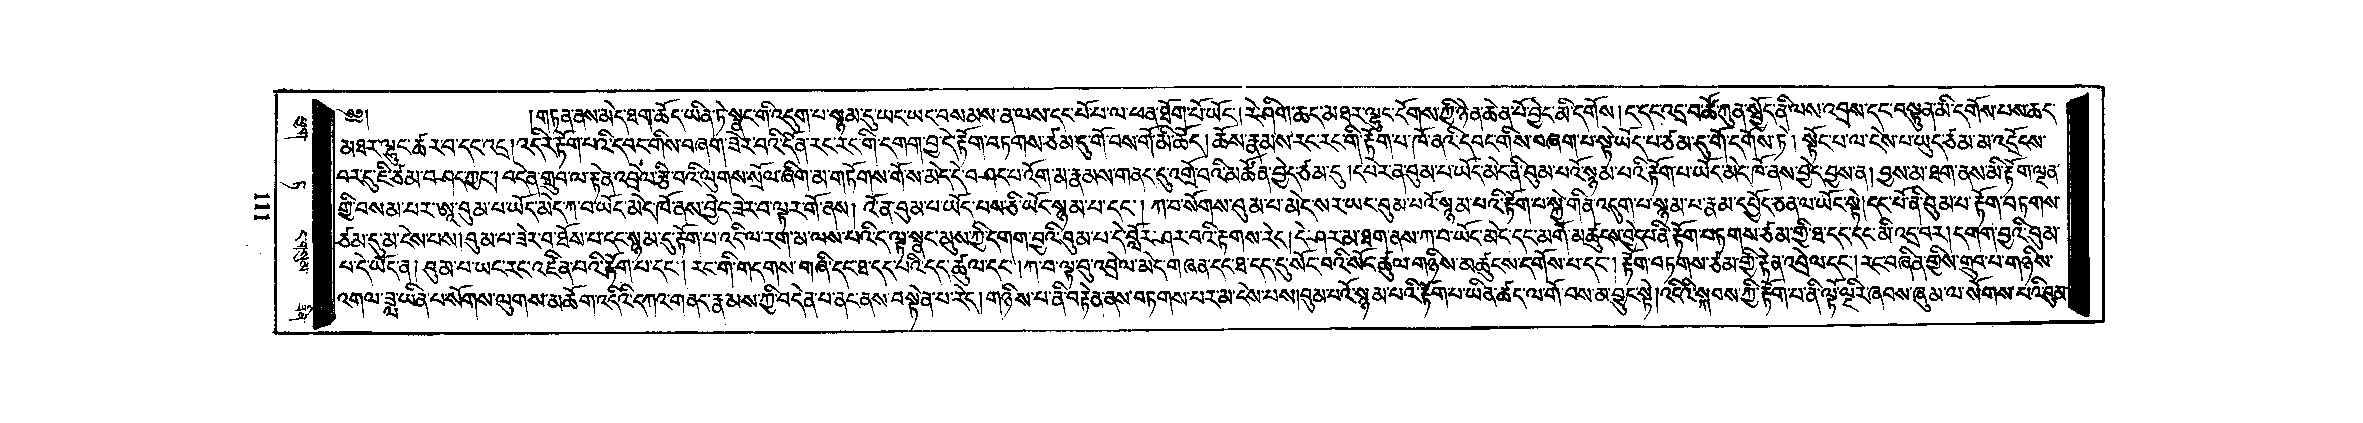༄༅། །གཏན་ནས་མེད་ཐག་ཆོད་ཡིན་ཏེ་སྣང་གི་འདུག་པ་སྙམ་དུ་ཡང་ཡང་བསམས་ན་ལས་དང་པོ་པ་ལ་ཕན་ཐོག་པོ་ཡོང་། རེ་ཤིག་ཆད་མཐར་ལྷུང་དོགས་ཀྱི་ཉེན་ཆེན་པོ་བྱེད་མི་དགོས། ད་དང་འདྲ་བ་ཚོ་ཀུན་སྦྱོད་ནི་ལས་འབྲས་དང་བསྟུན་མི་དགོས་པས་ཆད་
མཐར་ལྷུང་ཚར་བ་དང་འདྲ། འདིར་རྟོག་པའི་དབང་གིས་བཞག་ཟེར་བའི་དོན་རང་རང་གི་དགག་བྱ་དེ་རྟོག་བཏགས་ཙམ་དུ་གོ་བས་གོ་མི་ཆོད། ཆོས་རྣམས་རང་རང་གི་རྟོག་པ་ཁོ་ནའི་དབང་གིས་བཞག་པ་སྟེ་ཡོད་པ་ཙམ་དུ་གོ་དགོས་ཏེ། སྟོང་པ་ལ་ངེས་པ་ཡུད་ཙམ་མ་འདྲོངས་
བར་དུ་ཇི་ཙམ་བཤད་ཀྱང་། བདེན་གྲུབ་ལ་རྟེན་འབྲེལ་རྩི་བའི་ལུགས་སྲོལ་ཞིག་མ་གཏོགས་གོ་ས་མེད་དེ་བཤད་པ་འོག་མ་རྣམས་གནང་དུ་འགྲོ་བའི་མཚོན་བྱེད་ཙམ་དུ། དཔེར་ན་བུམ་པ་ཡོད་མེད་ནི་བུམ་པའོ་སྙམ་པའི་རྟོག་པ་ཡོད་མེད་ཁོ་ནས་བྱེད་བྱས་ན། བྱས་མ་ཐག་ནས་མི་རྟོག་ལྡན་
གྱི་བསམ་པར་ཨཱ་བུམ་པ་ཡོད་མེད་ཀ་བ་ཡོད་མེད་ཁོ་ནས་བྱེད་ཟེར་བ་ལྟར་གོ་ནས། འོ་ན་བུམ་པ་ཡོད་པས་ཅི་ཡོང་སྙམ་པ་དང་། ཀ་བ་སོགས་བུམ་པ་མེད་སར་ཡང་བུམ་པའོ་སྙམ་པའི་རྟོག་པ་སྐྱེ་གིན་འདུག་པ་སྙམ་པ་རྣམ་དཔྱོད་ཅན་ལ་ཡོང་སྟེ། དང་པོ་ནི་བུམ་པ་རྟོག་བཏགས་
ཙམ་དུ་མ་ངེས་པས། བུམ་པ་ཟེར་བ་ཐོས་པ་དང་སྙམ་དུ་རྟོག་པ་འདི་ལ་རག་མ་ལས་པའི་ད་ལྟ་སྣང་མུས་ཀྱི་དགག་བྱའི་བུམ་པ་དེ་བློར་ཤར་བའི་རྟགས་རེད། དེ་ཤར་མ་ཐག་ནས་ཀ་བ་ཡོད་མེད་དང་མགོ་མཚུངས་བྱེད་པ་ནི་རྟོག་བཏགས་ཙམ་གྱི་ཐ་དང་དང་མི་འདྲ་བར། དགག་བྱའི་བུམ་
པ་དེ་ཡོད་ན། བུམ་པ་ཡང་རང་འཛིན་པའི་རྟོག་པ་དང་། རང་གི་གདགས་གཞི་དང་ཐ་དང་པའི་དང་ཚུལ་དང་། ཀ་བ་ལྟ་བུ་འབྲེལ་མེད་གཞན་དང་ཐ་དང་དུ་སོང་བའི་སོང་ཚུལ་གཉིས་མཚུངས་དགོས་པ་དང་། རྟོག་བཏགས་ཙམ་གྱི་རྟེན་འབྲེལ་དང་། རང་བཞིན་གྱིས་གྲུབ་པ་གཉིས་
འགལ་ཟླ་ཡིན་པ་སོགས་ལུགས་མཆོག་འདིའི་དཀའ་གནང་རྣམས་ཀྱི་བདེན་པ་ནང་ནས་བསྟེན་པ་རེད། གཉིས་པ་ནི་བརྟེན་ནས་བཏགས་པར་མ་ངེས་པས། བུམ་པའོ་སྙམ་པའི་རྟོག་པ་ཡིན་ཚད་ལ་གོ་བས་མ་བྱུང་སྟེ། འདིའི་སྐབས་ཀྱི་རྟོག་པ་ནི་ལྟོ་ལྡིར་ཞབས་ཞུམ་ལ་སོགས་པའི་བུམ་